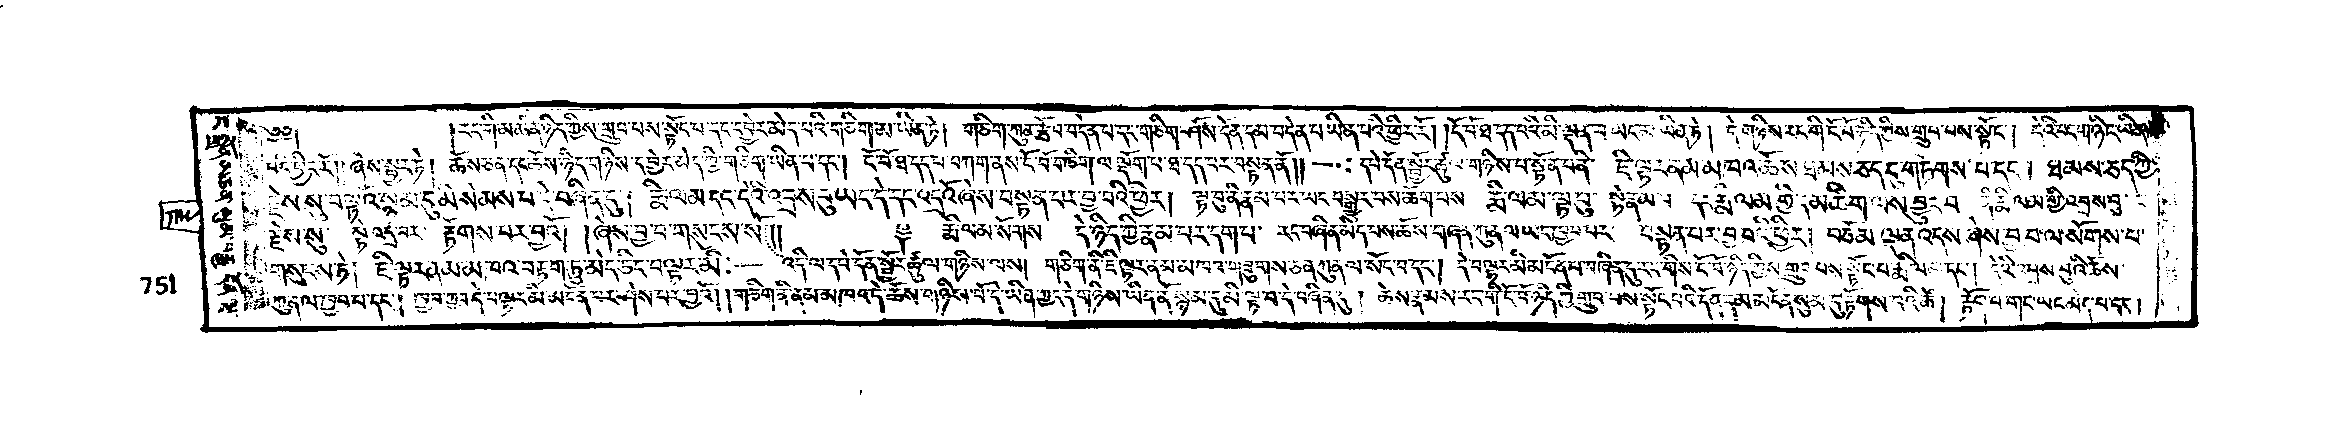༄༅། །རང་གི་མཚན་ཉིད་ཀྱིས་གྲུབ་པས་སྟོང་པ་དང་དབྱེར་མེད་པའི་གཅིག་མ་ཡིན་ཏེ། གཅིག་ཀུན་རྫོབ་བདེན་པ་དང་གཅིག་ཤོས་དོན་དམ་བདེན་པ་ཡིན་པའི་ཕྱིར་རོ། །ངོ་བོ་ཐ་དད་པའི་མི་ལྡན་པ་ཡང་མ་ཡིན་ཏེ། དེ་གཉིས་རང་གི་ངོ་བོ་ཉིད་ཀྱིས་གྲུབ་པས་སྟོང་། དེའི་བདག་ཉིད་ཡིན་
པའི་ཕྱིར་རོ། །ཞེས་སྦྱར་ཏེ། ཆོས་ཅན་དང་ཆོས་ཉིད་གཉིས་དབྱེར་མེད་ཀྱི་གཅིག་ཡིན་པ་དང་། ངོ་བོ་ཐ་དད་པ་བཀག་ནས་ངོ་བོ་གཅིག་ལ་ལྡོག་པ་ཐ་དད་པར་བསྟན་ནོ།། .H དཔེ་དོན་སྦྱོར་ཚུལ་གཉིས་པ་སྟོན་པ་ནི་ཇི་ལྟར་ནམ་མཁའ་ཆོས་ཐམས་ཅད་དུ་གཏོགས་པ་དང་། ཐམས་ཅད་ཀྱི་
རྗེས་སུ་བལྟའོ་སྙམ་དུ་མི་སེམས་པ་དེ་བཞིན་དུ། རྨི་ལམ་དང་དེའི་འབྲས་བུ་ཡང་དེ་དང་འདྲའོ་ཞེས་བསྟན་པར་བྱ་བའི་ཕྱིར། ལྟ་བུ་ནི་རྣམ་པར་ཡང་བསྒྱུར་བས་ཆོག་པས་རྨི་ལམ་ལྟ་བུ་སྟེ་རྣམ་པ་དང་རྨི་ལམ་གྱི་དམ་ཚིག་ལས་བྱུང་བ་ནི་རྨི་ལམ་གྱི་འབྲས་བུར་
རྗེས་སུ་སྟེ་འདྲ་བར་རྟོགས་པར་བྱའོ། །ཞེས་བྱ་བ་གསུངས་སོ།། ༈ རྨི་ལམ་སོགས་དེ་ཉིད་ཀྱི་རྣམ་པར་དག་པ་རང་བཞིན་མེད་པས་ཆོས་གཞན་ཀུན་ལ་ཡང་ཁྱབ་པར་བསྟན་པར་བྱ་བའི་ཕྱིར། བཅོམ་ལྡན་འདས་ཞེས་བྱ་བ་ལ་སོགས་པ་
གསུངས་ཏེ། ཇི་ལྟར་ནམ་མཁའ་བརྟག་ཏུ་མེད་ཅིང་བལྟར་མི་H.་འདི་ལ་དཔེ་དོན་སྦྱོར་ཚུལ་གཉིས་ལས། གཅིག་ནི་ཇི་ལྟར་ནམ་མཁའ་གཟུགས་ཅན་ཀུན་ལ་སོང་བ་དང་། དེ་བལྟར་མི་མངོན་པ་བཞིན་དུ་རང་གིས་ངོ་བོ་ཉིད་ཀྱིས་གྲུབ་པས་སྟོང་པ་རྨི་ལམ་དང་། དེའི་འབྲས་བུའི་ཆོས་
ན་ཁྱད་པར་?་?་། ཁྱབ་ཀྱང་དེ་བལྟར་མི་མངོན་པར་ཤེས་པར་བྱའོ། །གཅིག་ནི་ནམ་མཁའ་དེ་ཆོས་གཉིས་པོ་དེ་ཡིན་ཀྱང་དེ་གཉིས་ཡིན་ནོ་སྙམ་དུ་མི་ལྟ་བ་དེ་བཞིན་དུ། ཆོས་རྣམས་རང་གི་ངོ་བོ་ཉིད་ཀྱི་གྲུབ་པས་སྟོང་པའི་དོན་དམ་མངོན་སུམ་དུ་རྟོགས་པའི་ཚེ། རྟོག་པ་གང་ཡང་མེད་པ་དང་།